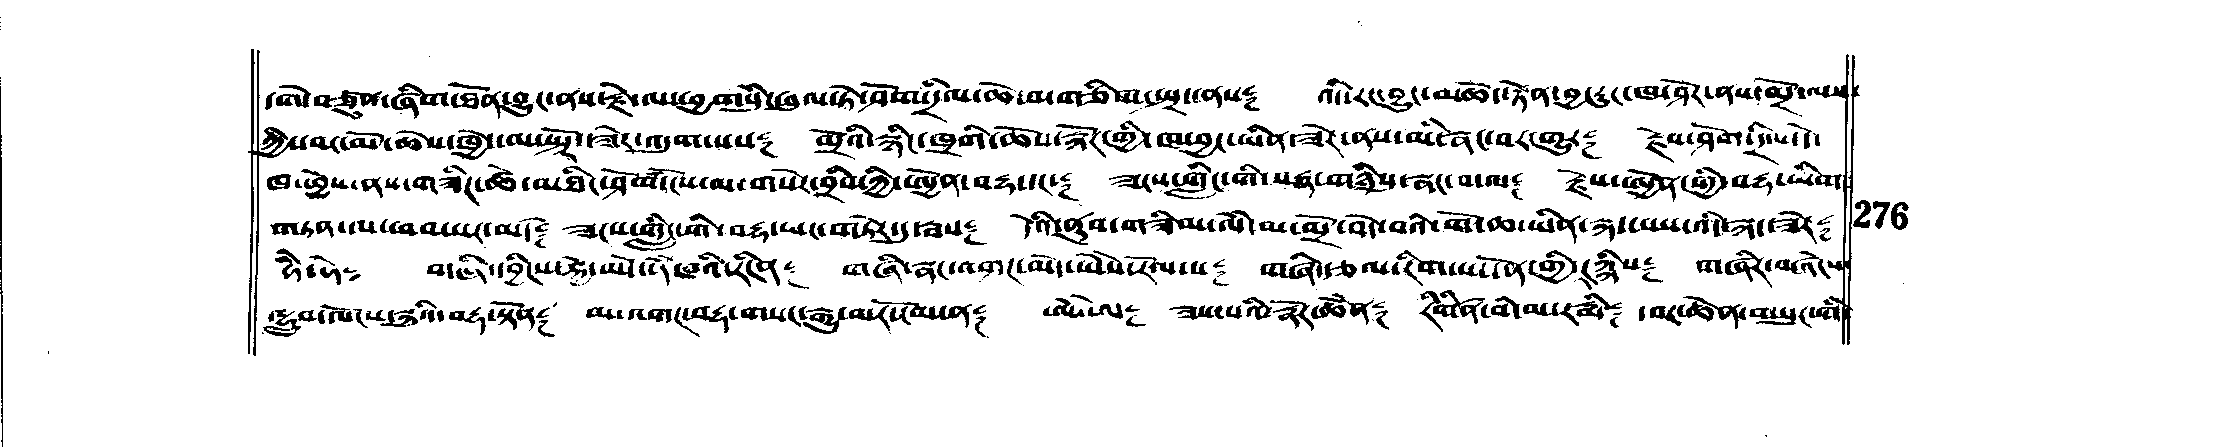དགེ་བཙུན་ཞིག་ཐོན་བྱུང་ནས་རྗེ་ལ་ཕྱག་གསུམ་ཕུལ་ཏེ་ཤོག་དྲིལ་ཆེ་བ་གཅིག་སྤྲད་ནས། འདི་རང་བྱུང་མཆོད་རྟེན་བྱ་རུང་ཁ་ཤོར་ནས་མཁའ་འགྲོ་ལས་
ཀྱི་དབང་མོ་ཆེས་ཁྱེད་ལ་སྤྲོད་ཟེར་འདུག་པས། མཁའ་འགྲོའི་སྙིང་ཁྲག་གི་ཆོས་སྐོར་གྱི་ཁ་བྱང་ཡིན་ཟེར་ནས་མི་སྣང་བར་གྱུར། རྗེས་ཤོག་དྲིལ་དེ་
ཁ་ཕྱེས་ནས་གཟིགས་ཚེ་མཐིང་ཤོག་ངོས་ལ་གསེར་བྲིས་ཀྱི་ཨོ་རྒྱན་བརྡ་དང་། ཟངས་གླིང་གི་བརྡ་གཉིས་སུ་སྣང་བ་ལ། རྗེས་ཨོ་རྒྱན་གྱི་བརྡ་ཡིག་
གཏན་ལ་ཕབ་པར་མཛད། ཟངས་གླིང་གི་བརྡ་ཡང་གཏེར་དུ་སྦས། དེའི་ནུབ་གཟིམ་ལམ་ལ་མཁའ་འགྲོ་བདེ་བའི་གོ་ཆ་ཡིན་སྐད་པས་འདི་སྐད་ཟེར། 
ཧཻ་ཧེཿ གཞི་དབྱིངས་སྐྱེ་མེད་ནམ་མཁའི་རང་བཞིན། །གཞི་སྣང་འགགས་མེད་ཡེ་ཤེས་རོལ་པ། །གཞི་རྩལ་རིག་པ་དོན་གྱི་ཌཱཀྐིས། །གཞིར་བཞེངས་
ལྷུན་གྲུབ་ལོངས་སྐུའི་བརྡ་སྟོན། །མ་འགགས་བརྡ་གསང་སྒྱུ་མར་ངོམ་ན། །ཨེ་ཨེཿ ཟབ་པའི་རྣལ་འབྱོར་ཆེན་པོ། །རིག་འཛིན་བི་མ་རསྨི། །དབང་ཆེན་གསུང་གི་